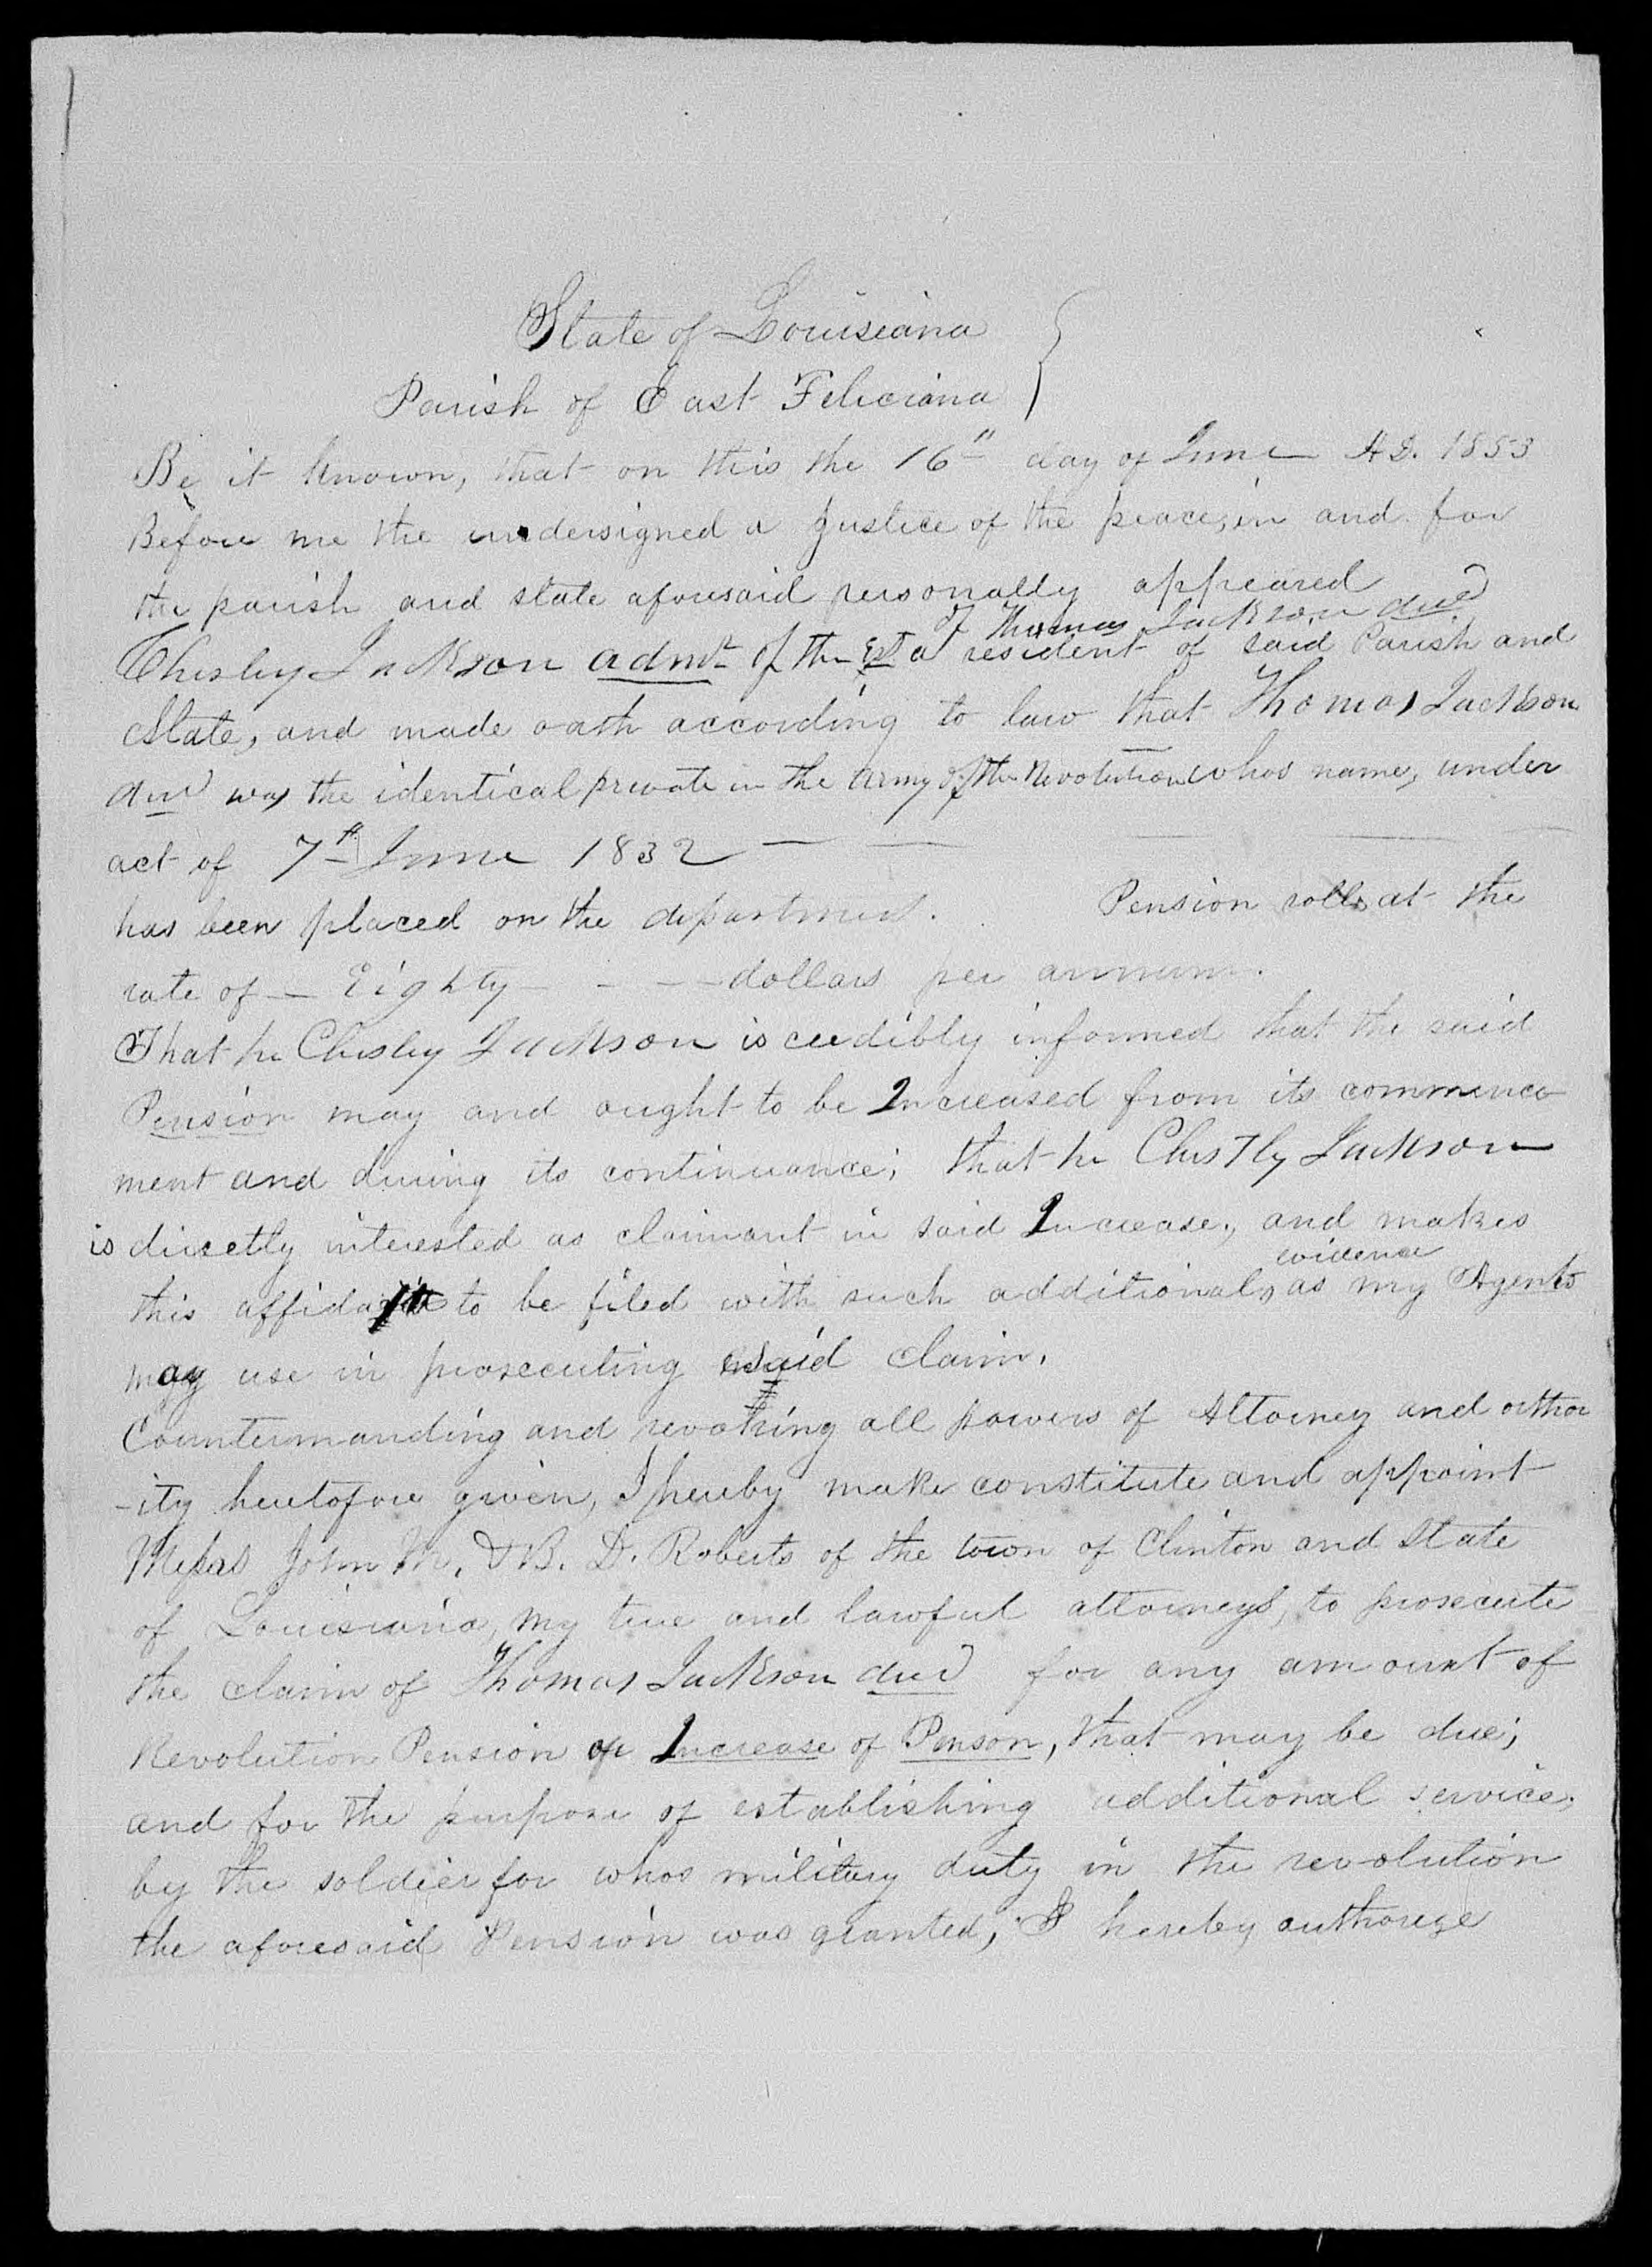State of Louisiana
Parish of East Feliciana
Be it known, that on this the 16th day of June A.D. 1853 Before me the undersigned a Justice of the peace, in and for the parish and State aforesaid personally appeared 
Chesley Jackson admt of the Est. ^of Thomas Jackson Dcd^ a resident of said Parish and State, and made oath according to law that Thomas Jackson decd. was the identical private in the Army of the Revolution whose name, under act of 7th June 1832 has been placed on the department Pension rolls at the rate of Eighty ---- dollars per annum. That he Chesley Jackson is credibly informed that the said Pension may and ought to be increased from its commencement and during its continuance; that he Chesley Jackson is directly interested as claimant in said Increase, and makes this affidavit to be filed with such additional ^evidence as my Agents may use in prosecuting said claim. 
Countermanding and revoking all power of Attorney and authority  heretofore given, I hereby make constitute and appoint Messrs John M. & B. D. Roberts of the town of Clinton and State of Louisiana, my true and lawful attorneys, to prosecute the claim of Thomas Jackson and for any amount of Revolution Pension or Increase of Penson, that may be due; and for the purpose of establishing additional services by the soldier for whose military duty in the revolution the aforesaid pension was granted, I hereby authorize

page: 36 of 54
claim: survivor's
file: S. 31166, for Thomas Jackson, South Carolina